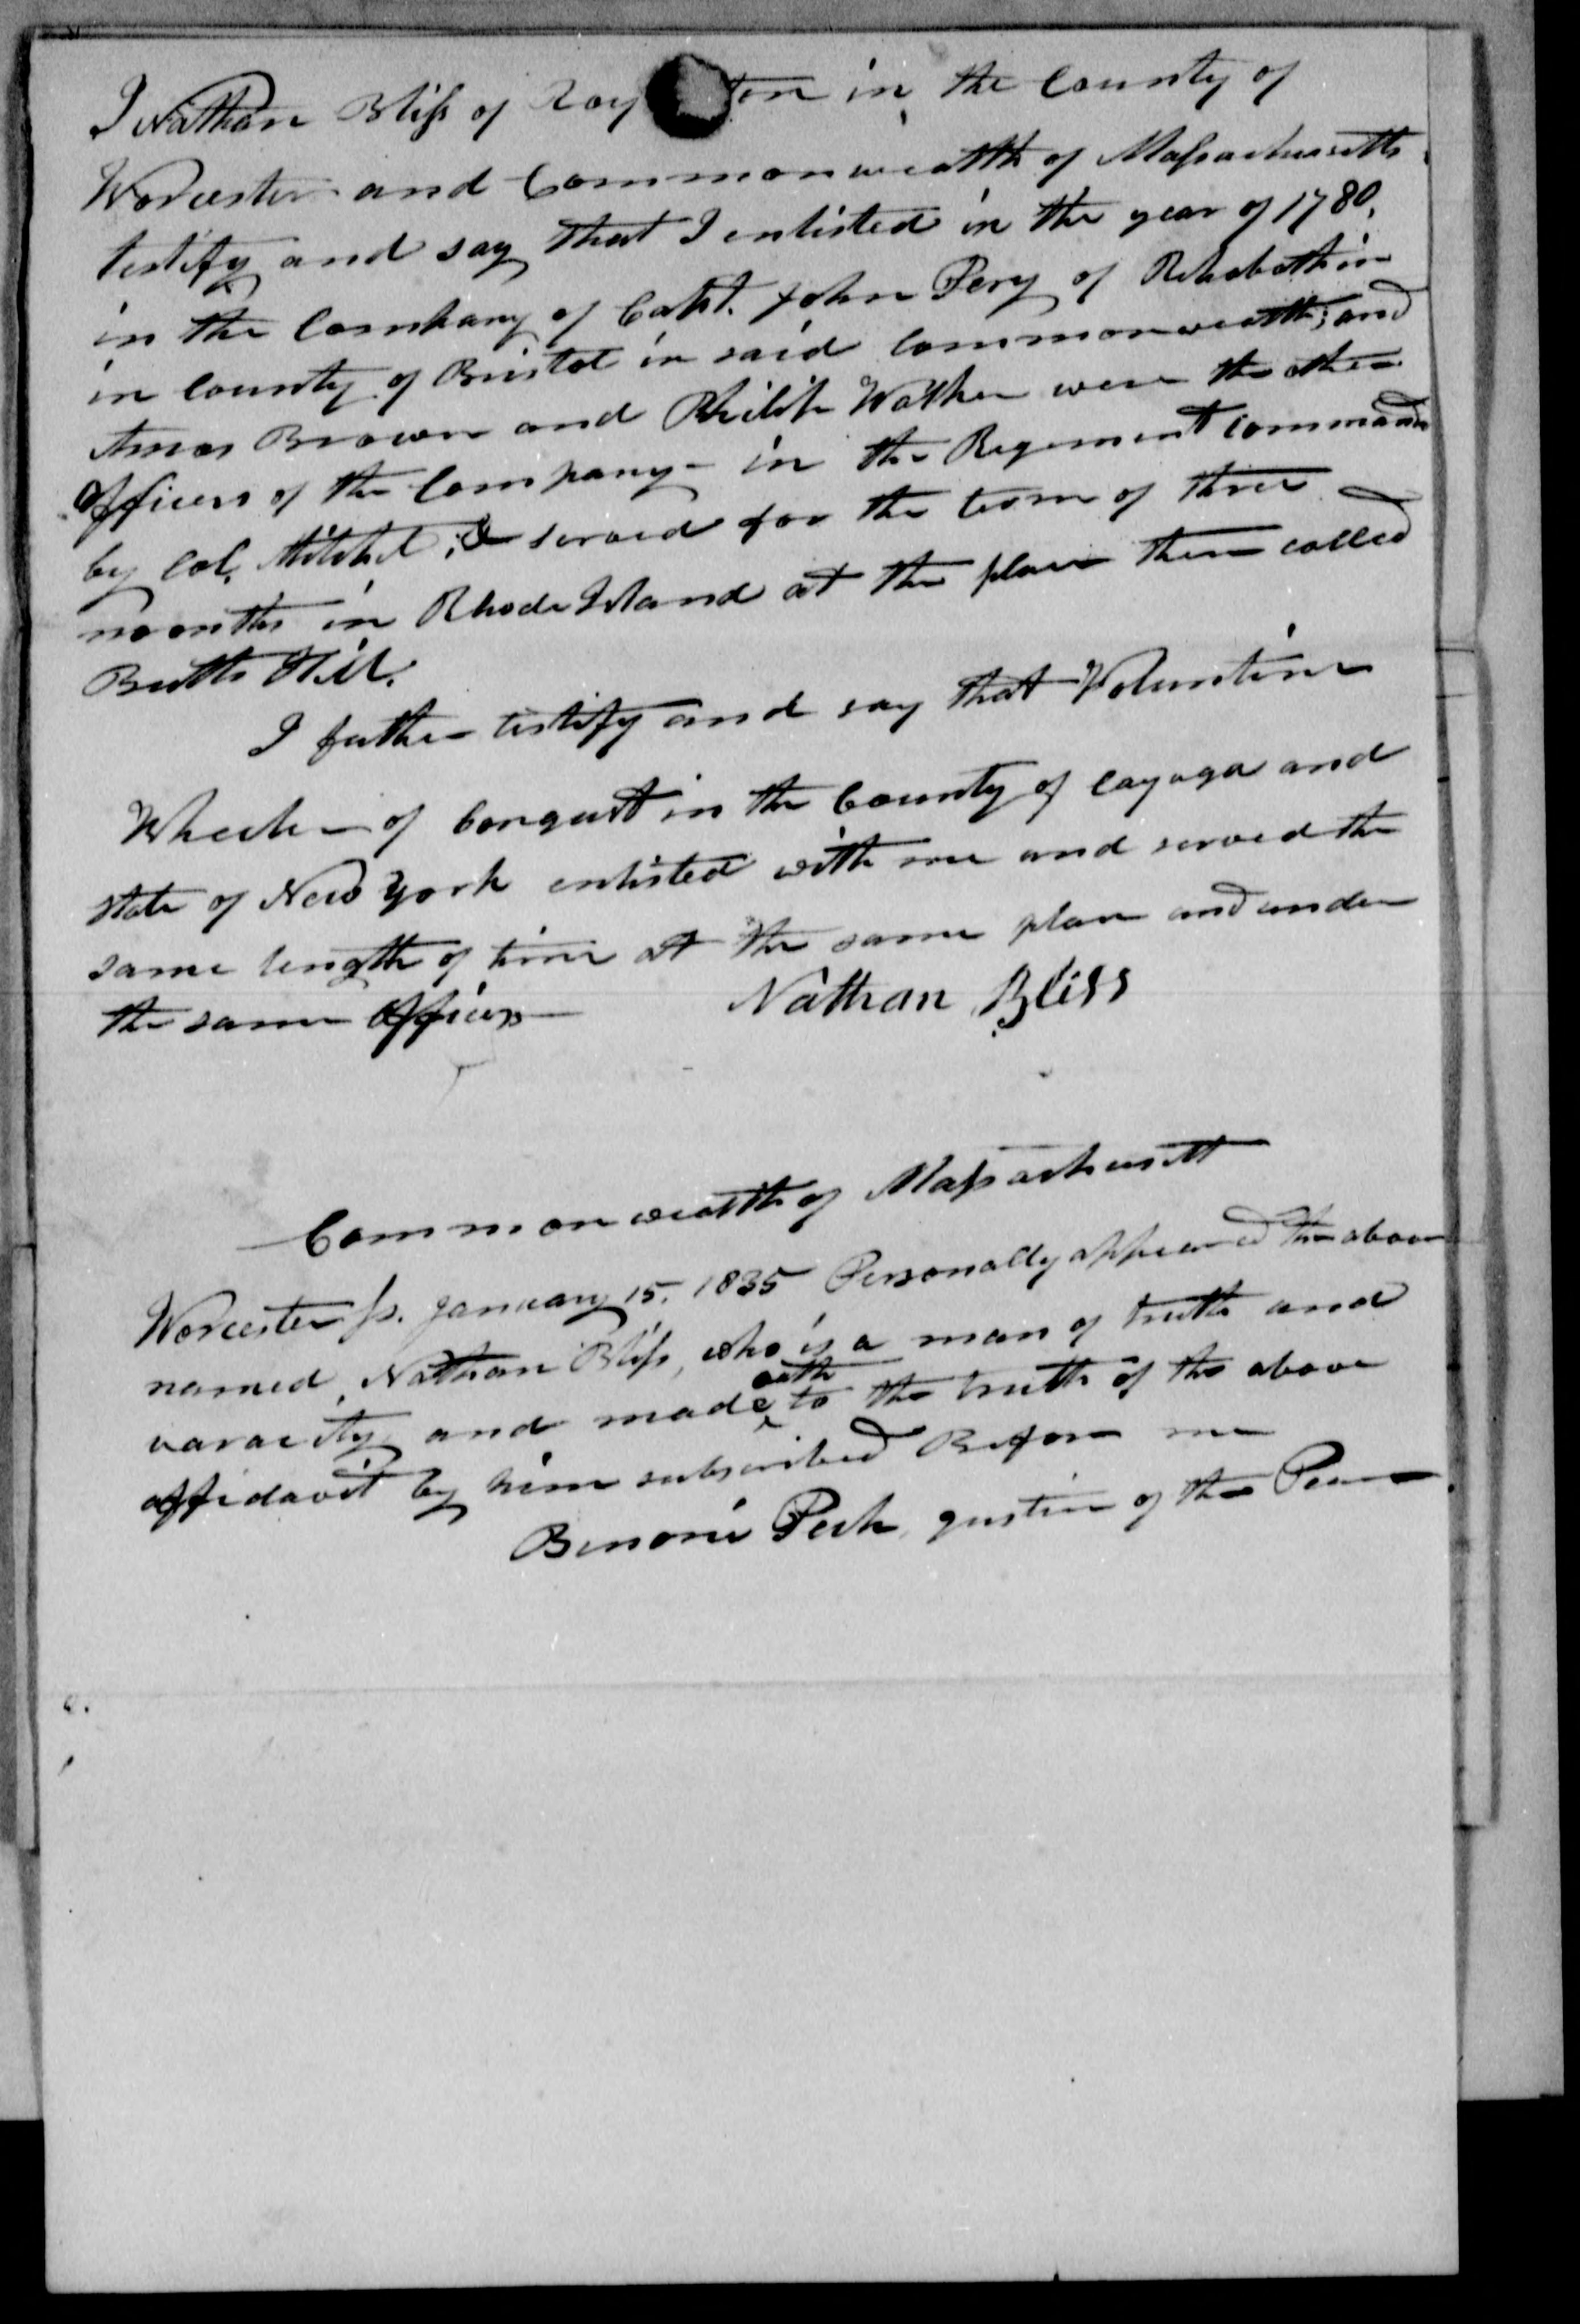I Nathan Bliss of Royalton in the County of Worcester and Commonwealth of Massachusetts testify and say that I enlisted in the year of 1780 in the Company of Capt. John Perry of Rehoboth in the County of Bristol in said Commonwealth; and Amos Brown and Philip Walker were the other officers of the company in the Regiment commanded by Col. Mitchel. I served for the term of three months in Rhode Island at the place then called Butts Hill.
I further testify and say that Volentine Wheeler of Conquest in the County of Cayuga and State of New York, enlisted with me and served the same length of time at the same place and under the same officers.
Nathan Bliss

Commonwealth of Massachusetts
Worcester SS January 15, 1835. 
Personally appeared the abovve named Nathan Bliss who is a man of truth and veracity and made oath to the truth of the above affidavit by him subscribed. Before me
Benoni Peck, Justice of the Peace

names: Nathan Bliss, John Pery, Voluntine Wheeler, Amos Brown, Benoni Peck, Philip Walker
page: 87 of 98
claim: widow's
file: W. 1682, Valentine Wheeler, Mass.